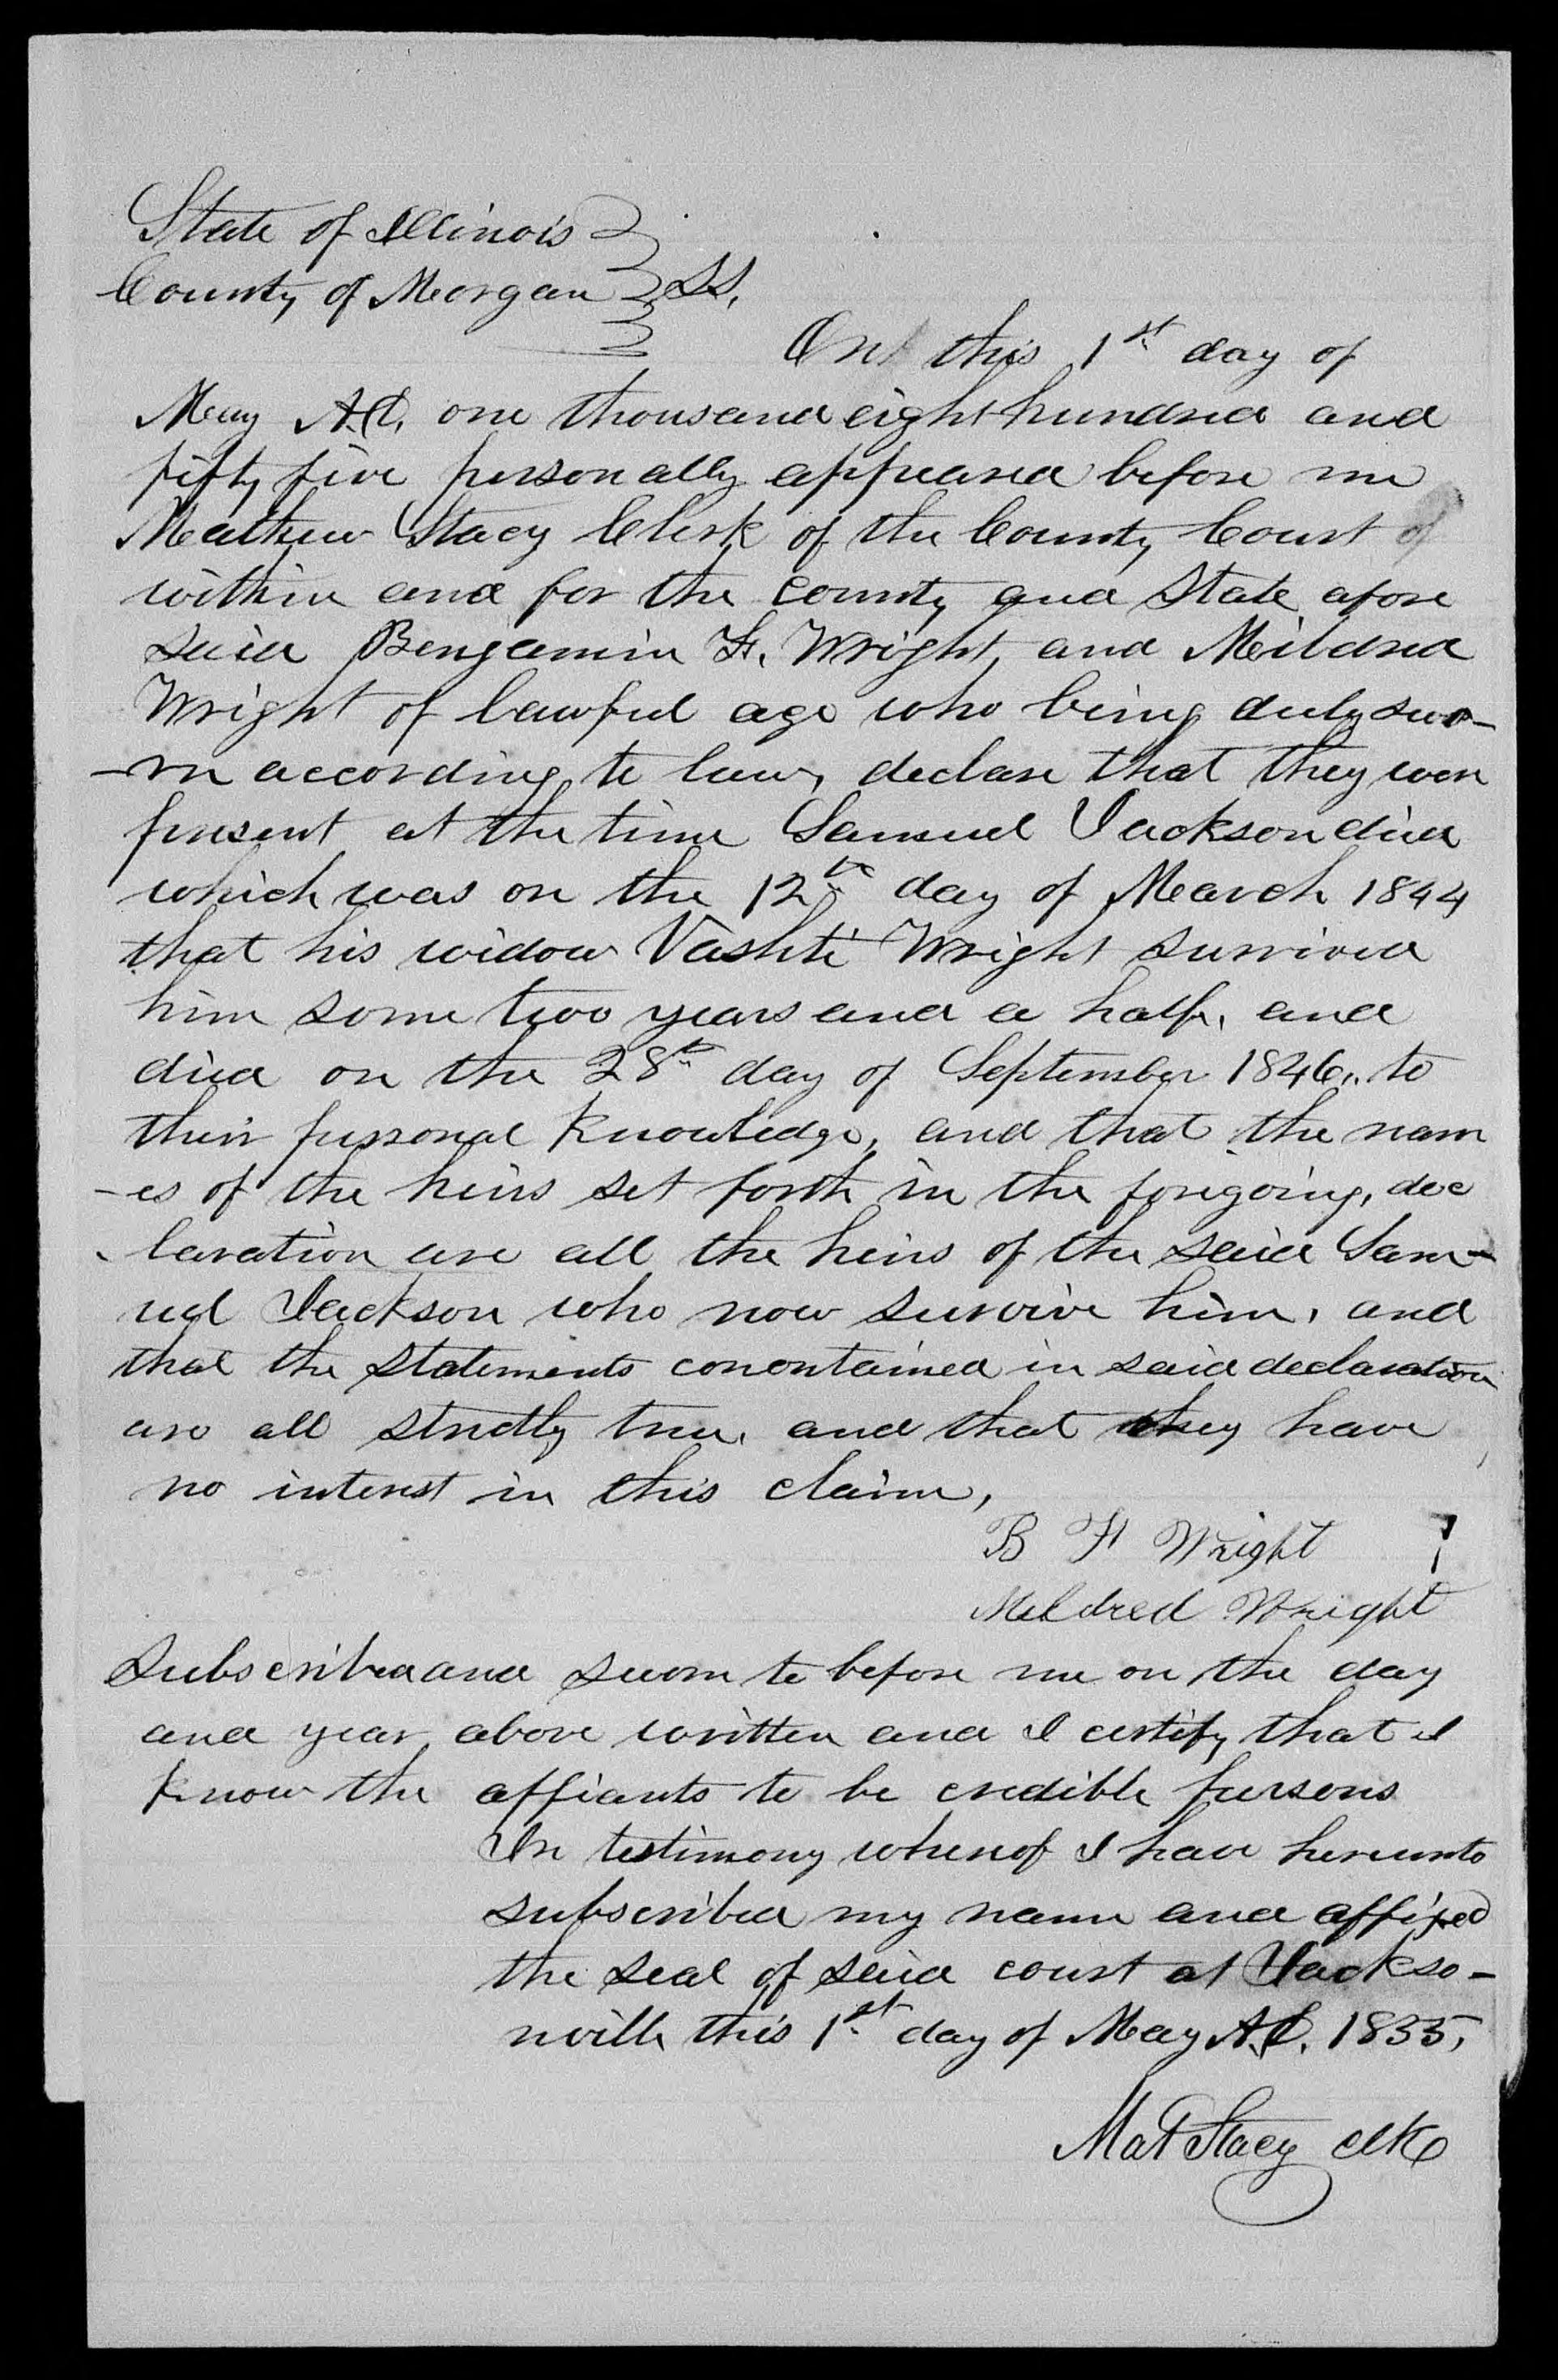State of Illinois
County of Morgan ⎬ SS.
On this 1st day of
May A.D. one thousand eight hundred and
fifty five personally appeared before me
Nathan Stacy Clerk of the County Court of
within and for the County and State 
afore said Benjamin F. Wright, and Mildred
Wright of lawful age who being duly sworn
according to law, declare that they were
present at the time Samuel Jackson died
which was on the 12th day of March 1844
that his widow Vashti Wright survived
him some two years and a half, and
died on the 28th day of September 1846, to
their personal knowledge, and that the names 
of the heirs set forth in the foregoing, dec
claration are all the heirs of the said Samuel
Jackson who now survive him, and
that the statements contained in said declaration
are all strictly true, and that they have
no interest in this claim,
B F Wright
Mildred Wright
Subscribed and sworn to before me on the day
and year above written and I certify that I
know the affiants to be credible persons
In testimony whereof I have hereunto
subscribed my name and affixed
the seal of said court at Jackson
with this 1st day of May A.D. 1855,
Mat Stacy Clk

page: 21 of 56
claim: rejected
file: R 5529, for Samuel Jackson, Virginia